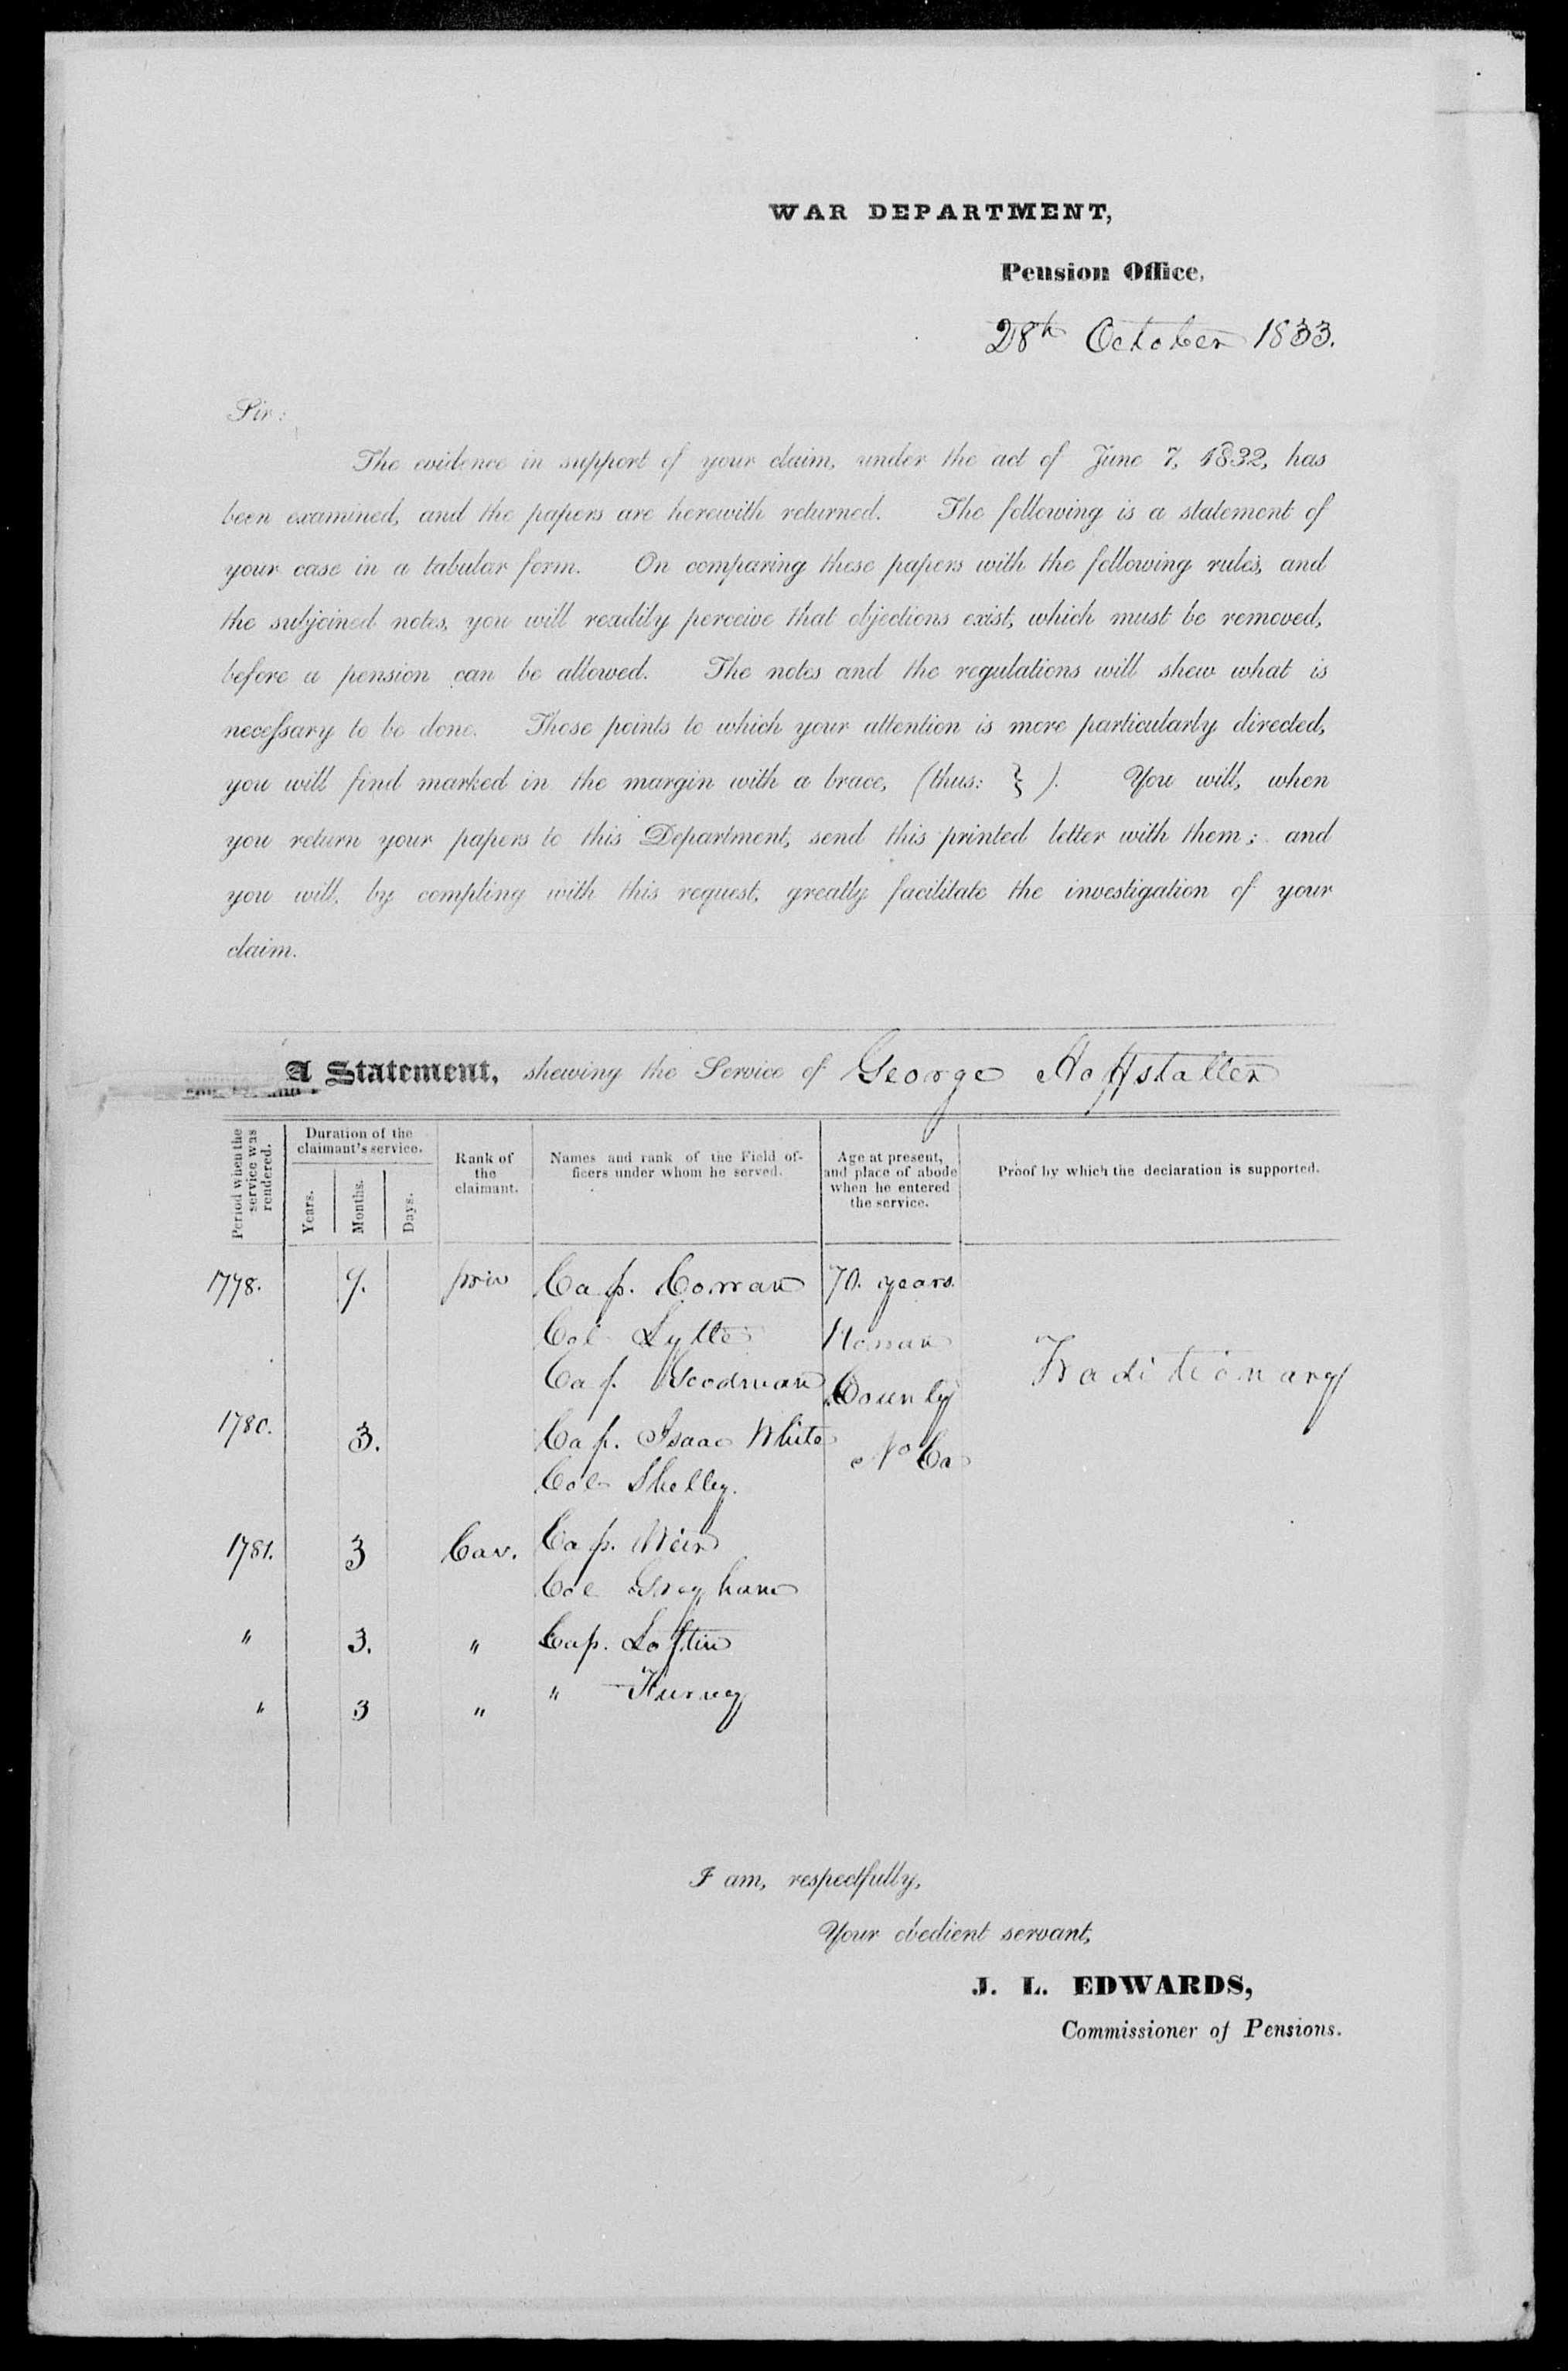WAR DEPARTMENT,
Pension Office,
28th October 1833

Sir,
The evidence in support of your claim, under the act of June 7, 1832, has been examined, and papers are herewith returned. The following is a statement of your case in a tabular form. On comparing these papers with the following rules, and the subjoined notes, you will readily perceive that objections exist, which must be removed, before a pension can be allowed. The notes and the regulations will shew what is necessary to be done. These points to which your attention is more particularly directed, you will find marked in the margin with a brace, (thus: } ). You will, when you return your papers to this Department, send this printed letter with them; and you will, by compling with this request, greatly facilitate the investigation of your claim.

A Statement, showing the Service of George Hoffstaller
[column headings: Period when the service was rendered. Duration of the claimant’s service. [subheadings: Years. Months. Days.] Rank of the claimant. Names and rank of the Field officers under whom he served. Age at present, and place of abode when he entered the service. Proof by which the declaration is supported.]

1778. [blank]. 9. [blank]. priv. Cap. Cowan, Col Lyttle, Cap. Goodman. 70. years. [illegible] County, No Ca. Traditionary.

1780. [blank]. 3. [blank]. [blank]. Cap. Isaac White, Col.Shelley. [blank]. [blank].

1781. [blank]. 3. [blank]. Cav. Cap. Weir, Col. Greyham. [blank]. [blank].

“. [blank]. 3. [blank]. “. Cap. Loftin, “ Furney. [blank]. [blank].

I am, respectfully
Your obedient servant,
J. L. EDWARDS,
Commissioner of Pensions.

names: J L Edwards, Isaac White, Greyham, Furney, Goodman, Weir, Loftin, Lytle, Cowan, George Hoffstatter, Shelley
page: 4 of 18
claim: survivor's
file: S. 15176, George Hofstalar, N.C.